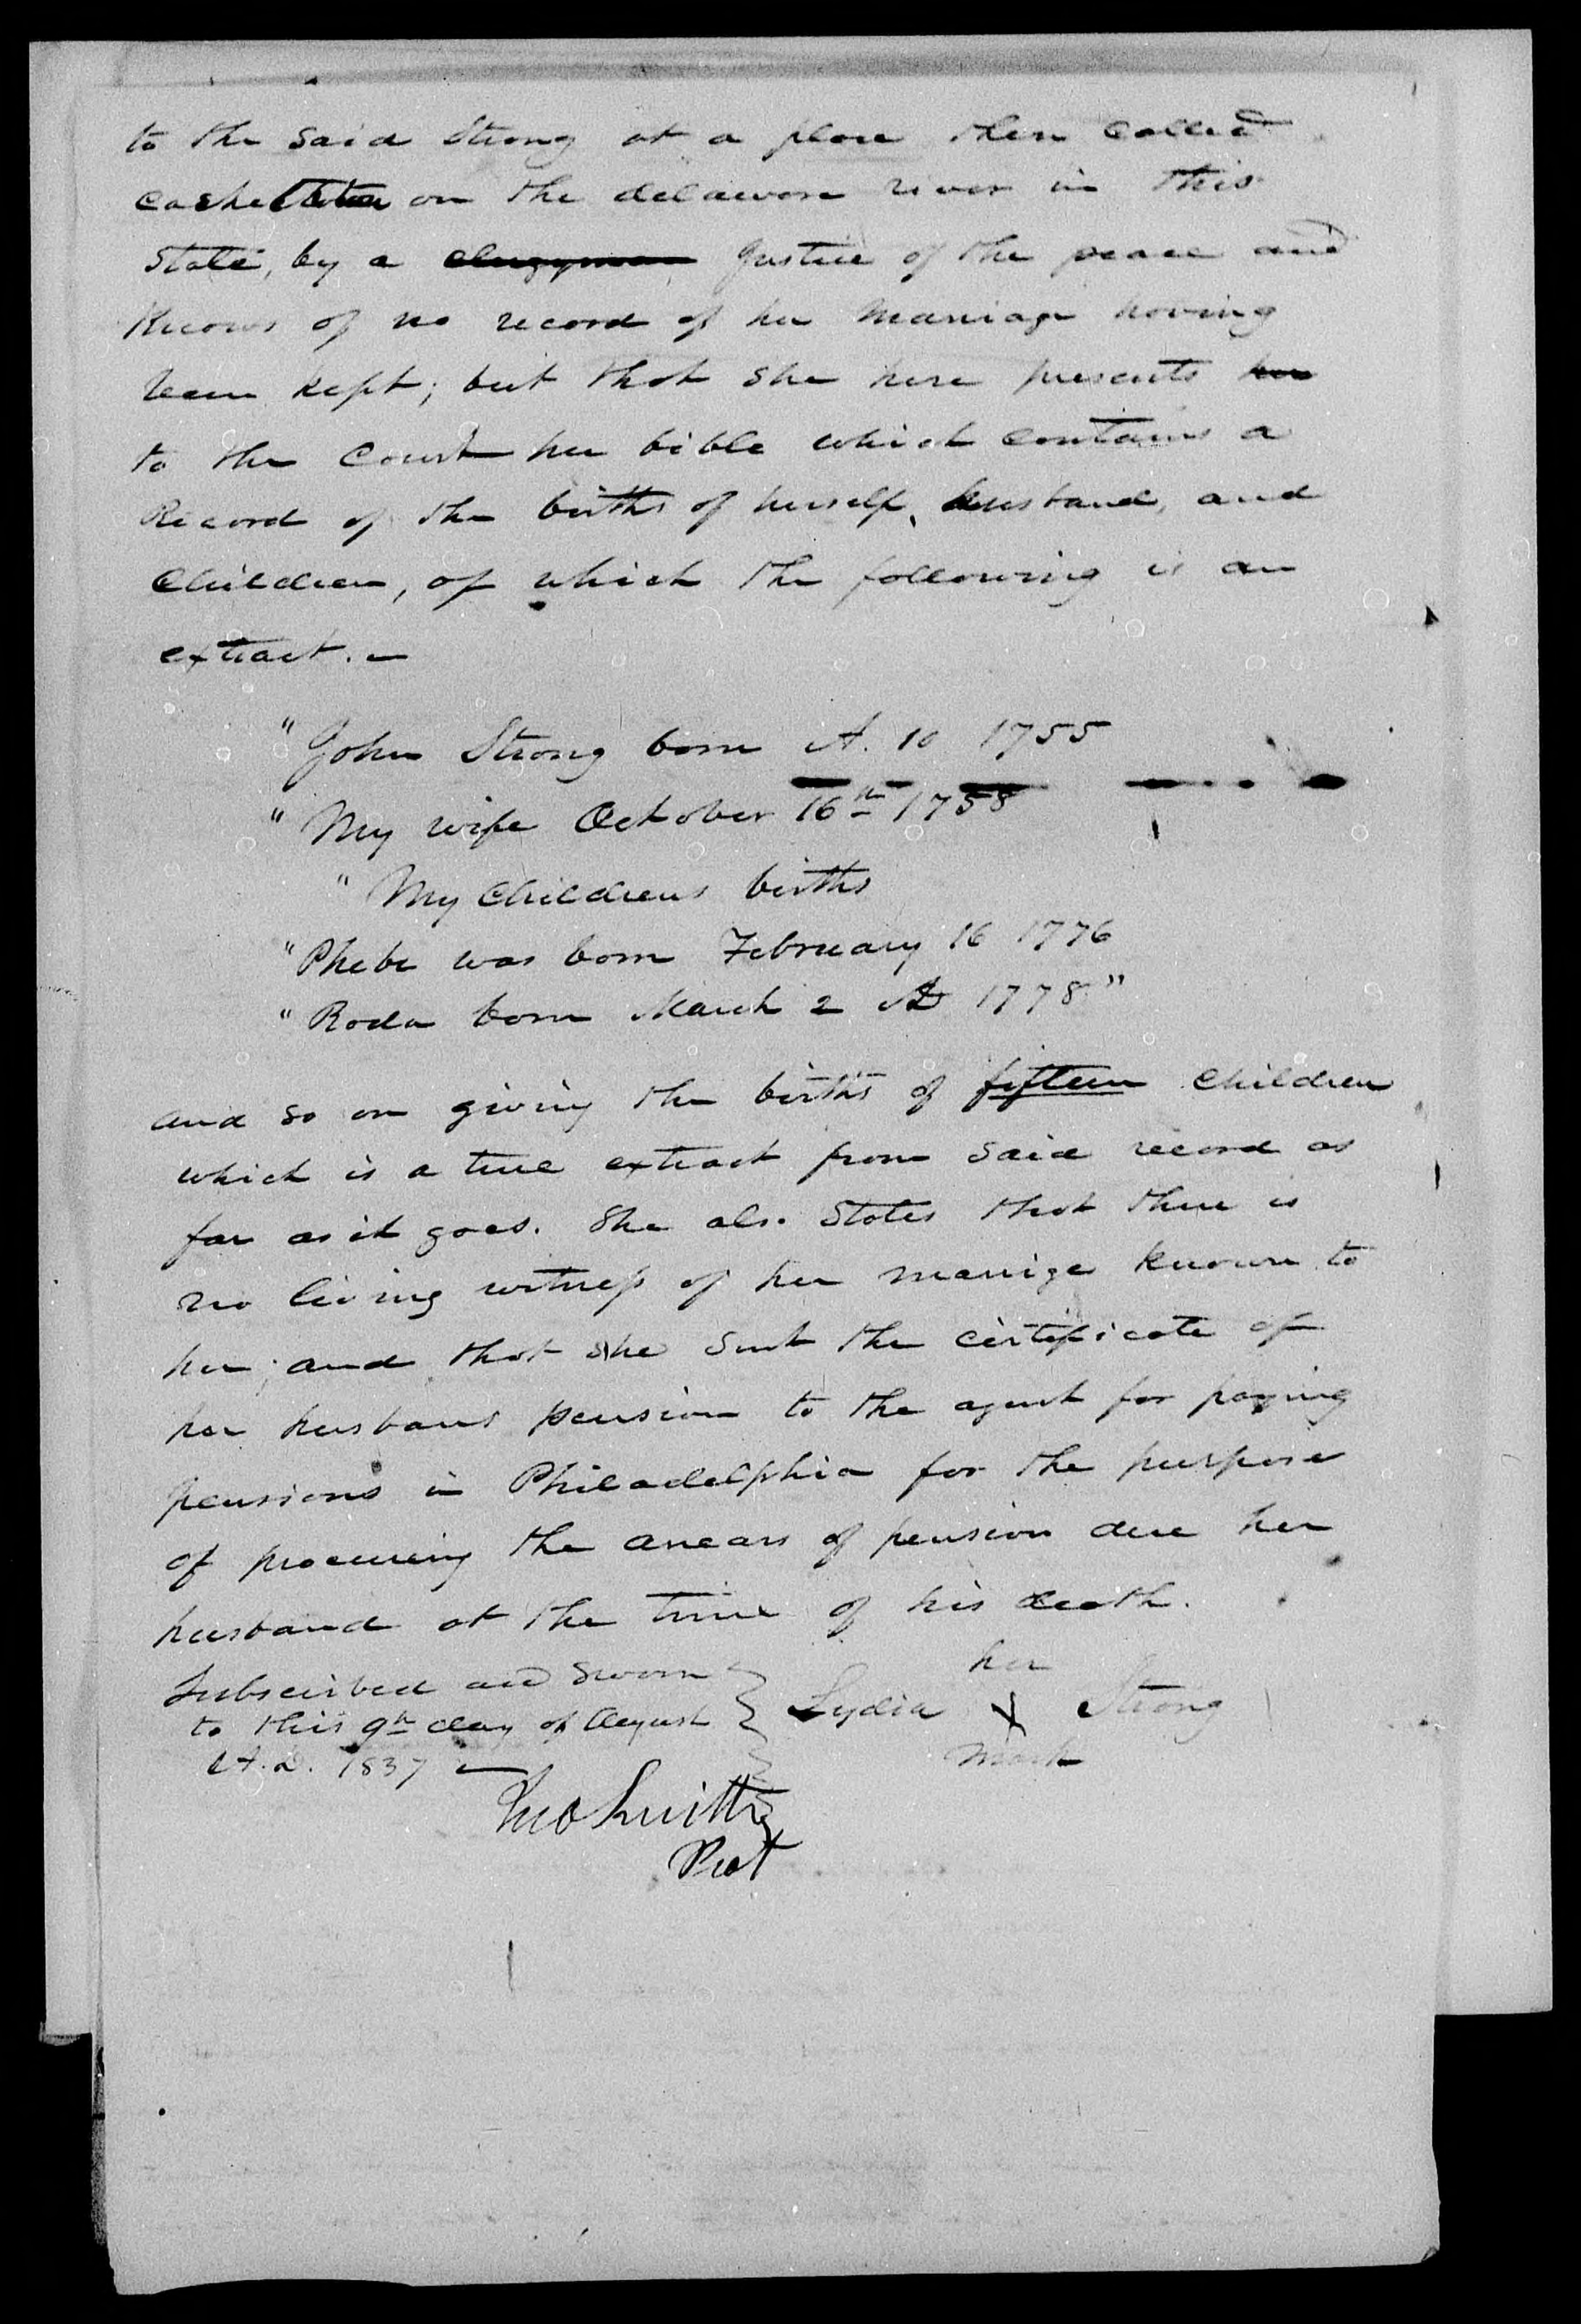to the said Strong at a place here called [illegible, Cashetown?] on the Delaware River in this State, by [clergyman, crossed out] Justice of the peace and knows of no record of her marriage having been kept; but that she here presents [crossed out word] to the Court her bible which contains a Record of the birth of herself, husband, and children, of which the following is an extract  –

"John Strong born A. 10 1755
"My wife October 16th 1758
"My childrens births 
"Phebe was born Febrary 16 1776
"Roda born March 22 1778"

And so on giving the births of fifteen children which is a true extract from said record as far as it goes. She also states that there is no living witness of her marriage known to her; and that she sent the certificate of her husbands pension to the agent for paying pensions in Philadelphia for the purpose of procuring the arrears of pension due her husband at the time of his death.

Subscribed and sworn 
to this 9th day of August 
AD 1837

[John] Smith  Prot

Lydia her mark ["X" mark made here] Strong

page: 7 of 33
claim: widow's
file: W. 4592, for John Strong, New York